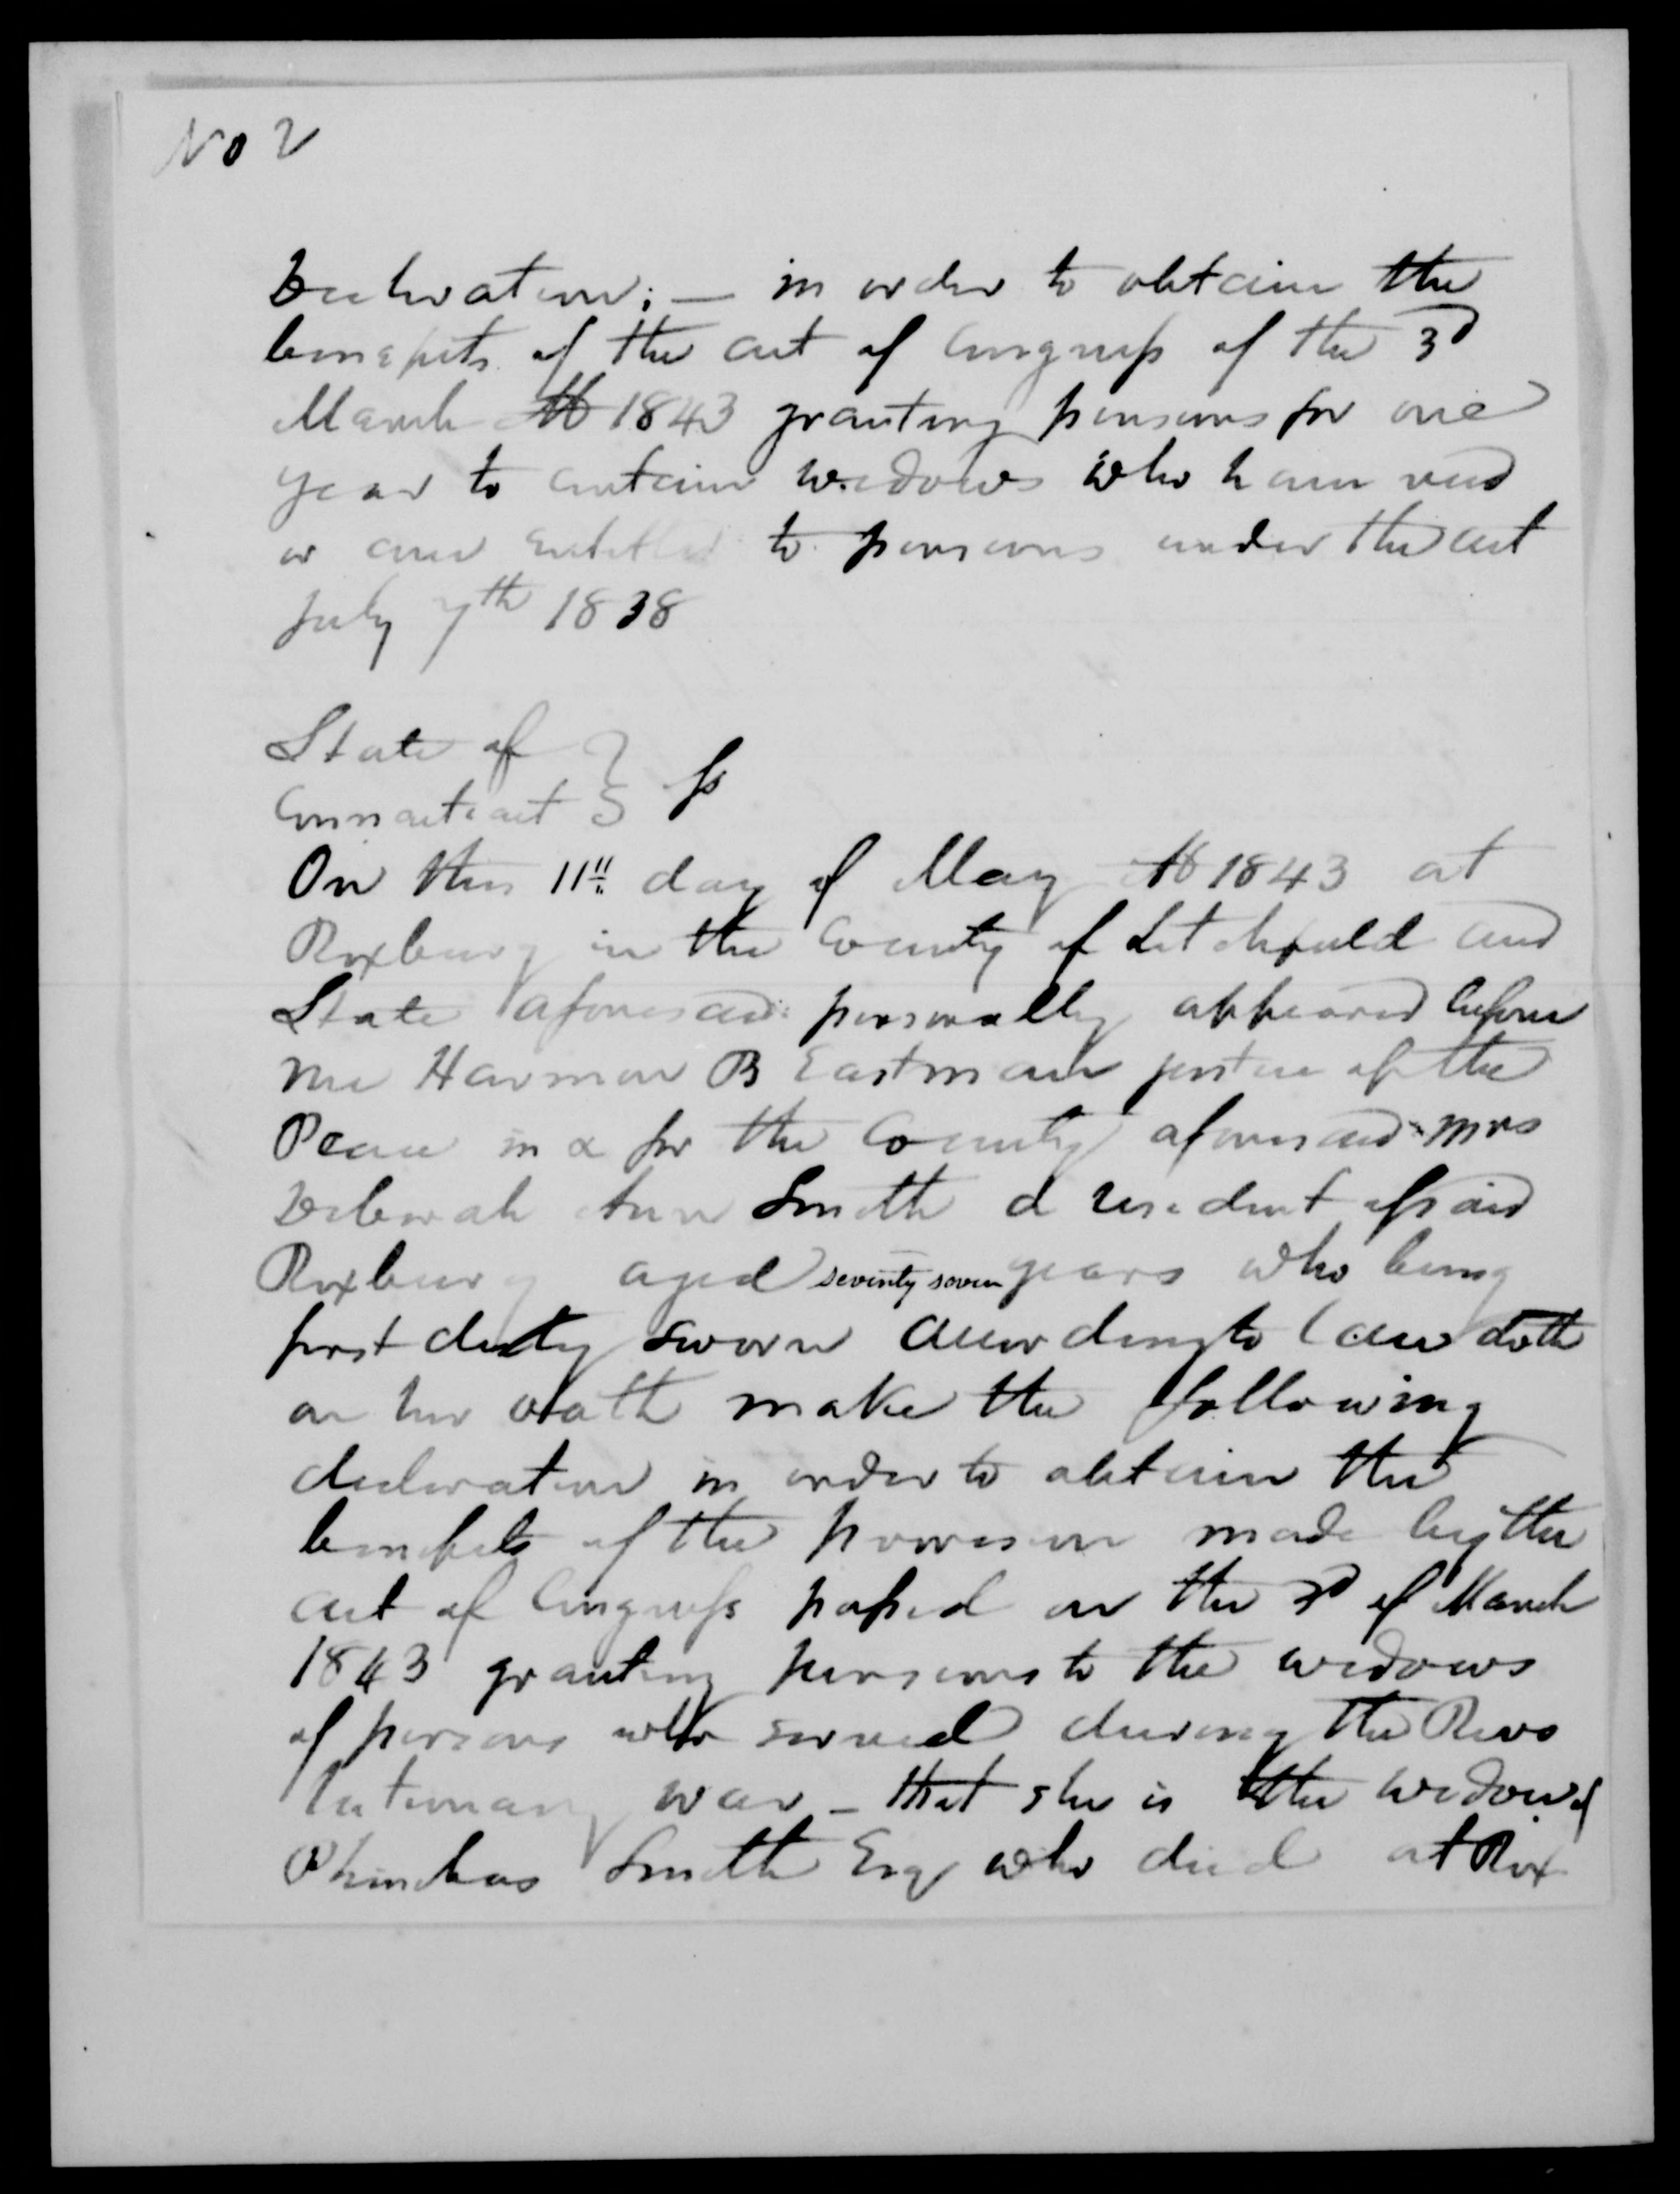No 2
Declaration, in order to obtain the benefit of the act of Congress of the 3d March AD 1843 granting pensions for one year to certain widows who have recd or are entitled to  pensions under the act July 7th 1838.   
State of Connecticut }  ss  On this 11th day of May AD 1843 at Roxbury in the County of Litchfield and State aforesaid personally appeared before me Herman B Eastman Justice of the Peace in & for the County aforesaid Mrs Deborah Ann Smith a resident of said Roxbury aged seventy seven years who being first duly sworn according to law doth on her oath make the following declaration in order to obtain the benefit of the provision made by the act of Congress passed on the 3d of March 1843 granting pensions to the widows of persons who served during the Revolutionary War - that she is the widow of Phinehas Smith Esq who died at Roxbury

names: Phinehas Smith; Deborah Ann Smith; Harmon B Eastman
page: 39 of 55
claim: widow's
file: W. 11480, for Phinehas Smith, Connecticut